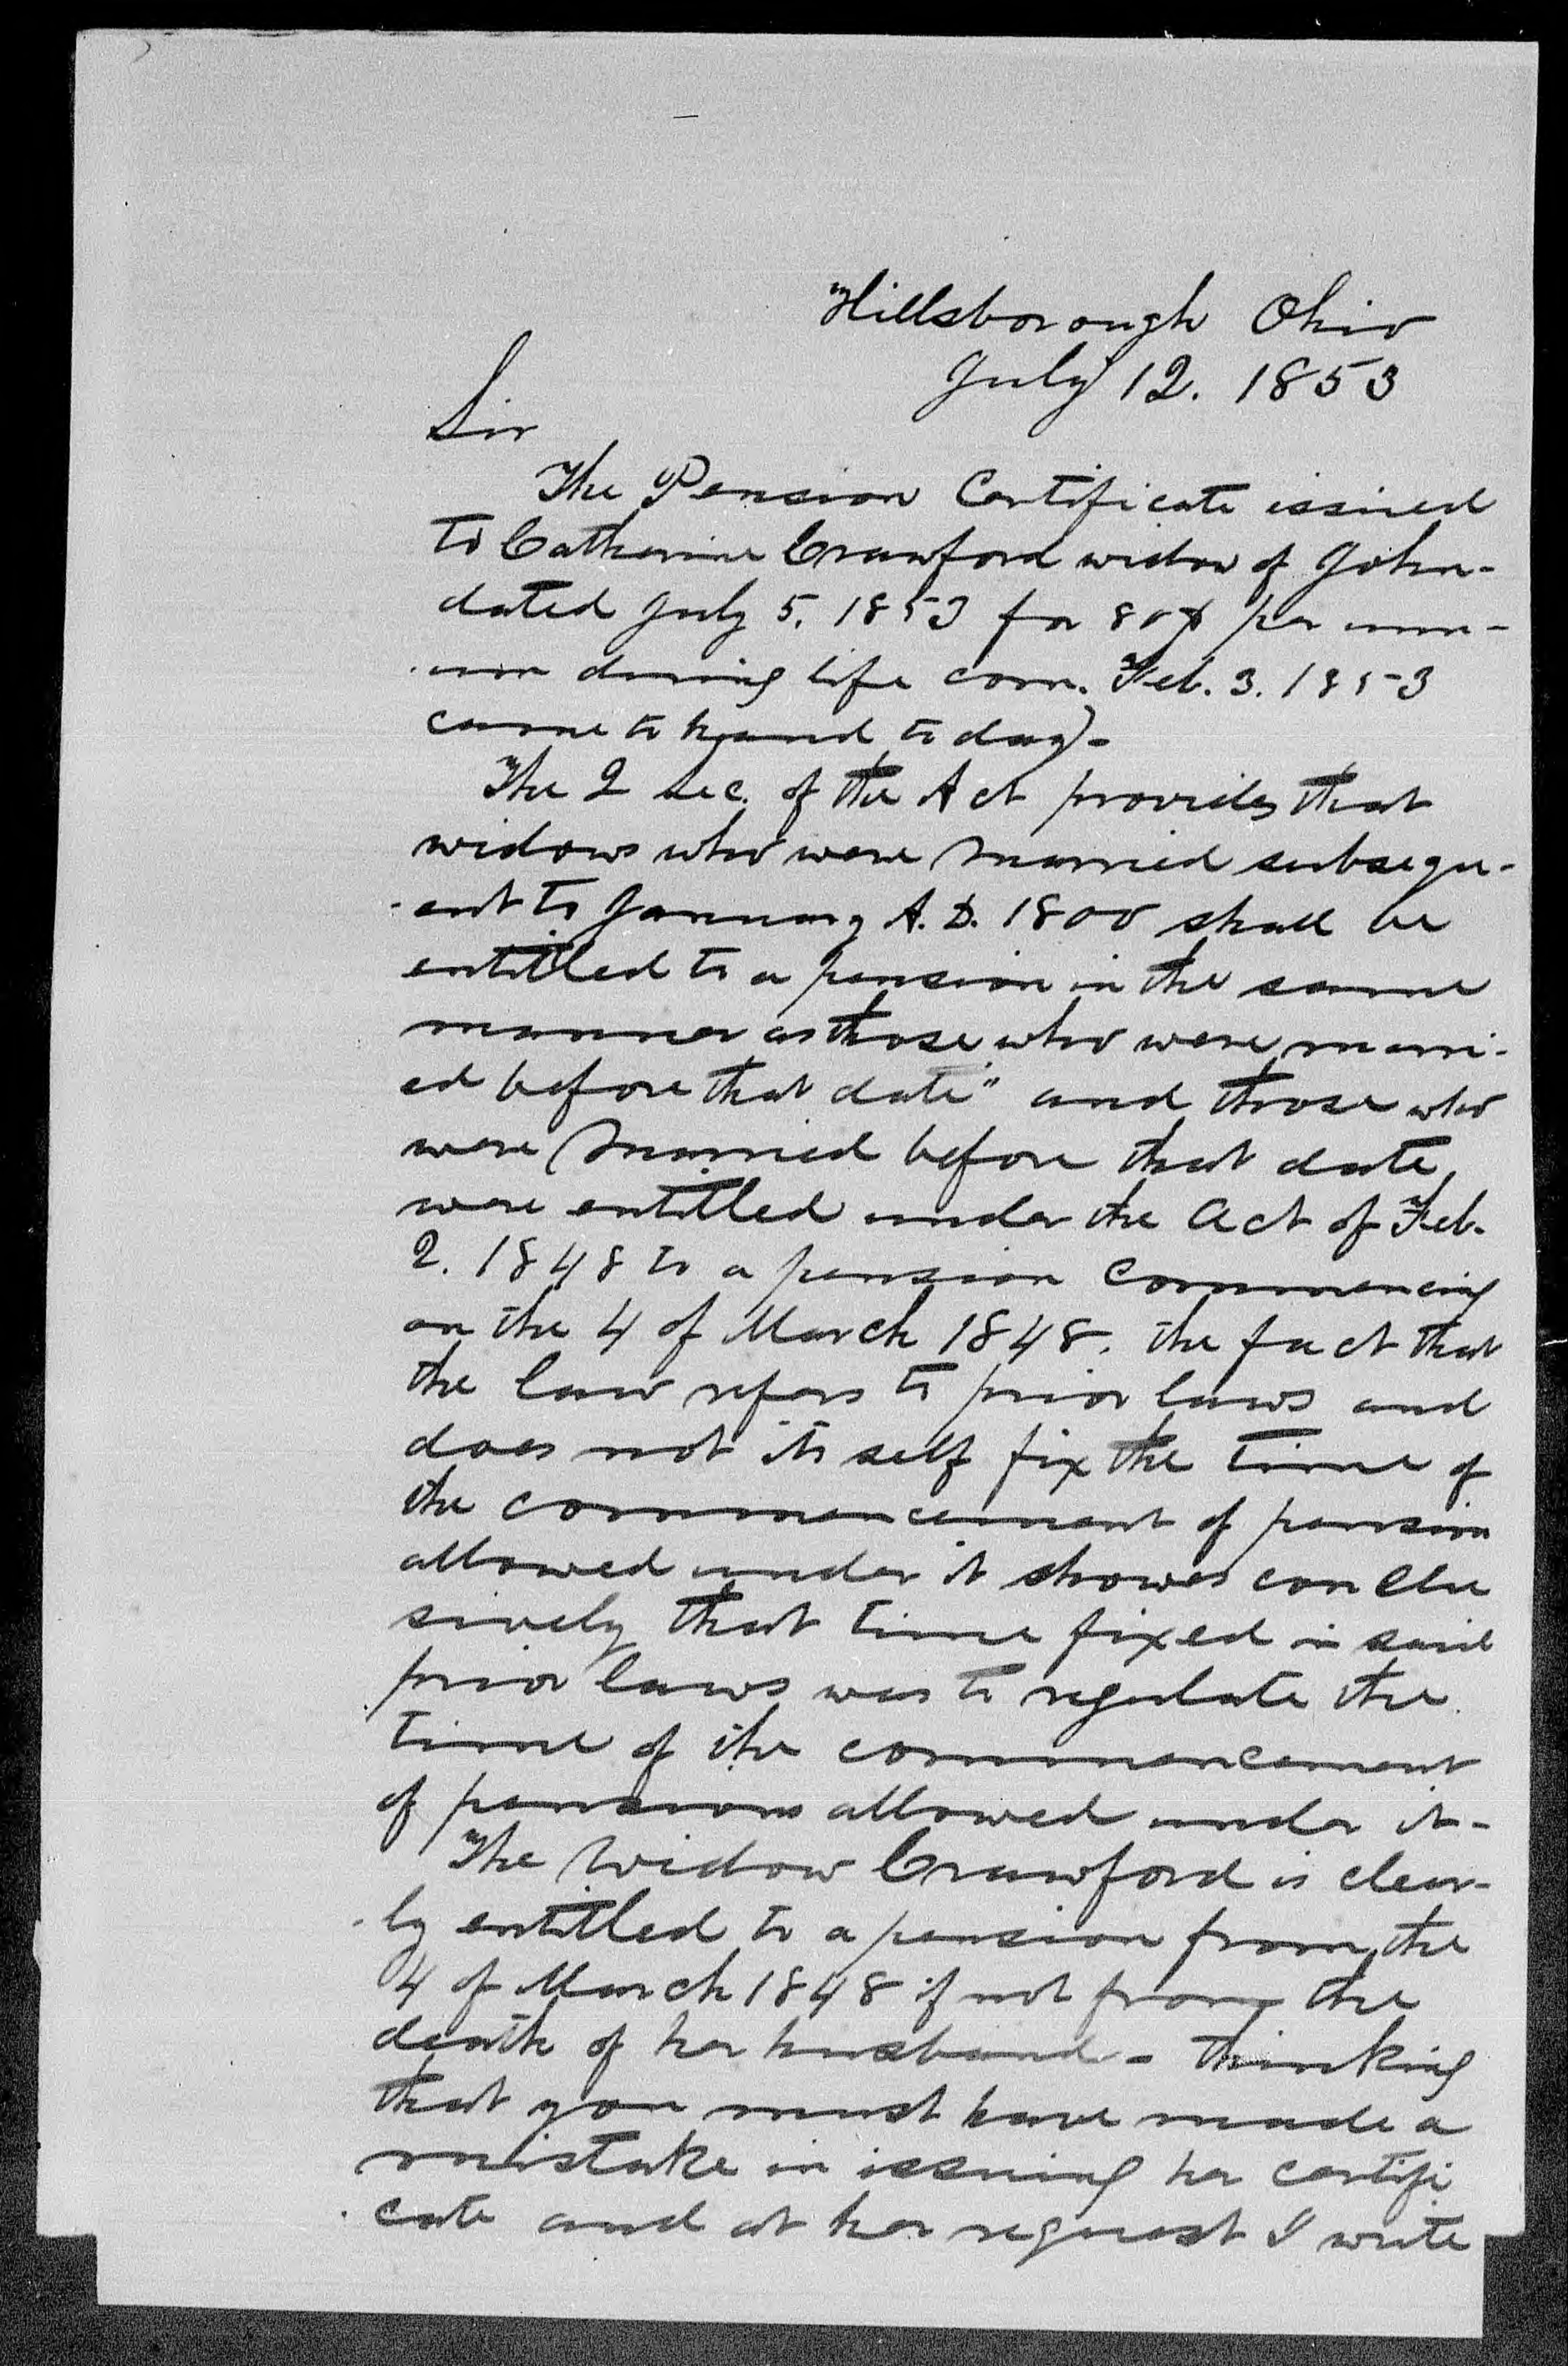Hillsborough Ohio
July 12. 1853

Sir,
The Pension Certificate issued to Catherine Crawford widow of John dated July 5, 1853 for 80$ per annum during life com, Feb. 3. 1853 came to hand today.

The 2 Sec of the Act provide that widows who were married subsequent to January A.D. 1800 shall be entitled to a pension in the same manner as those who were married before that date, and those who were married before that date, were entitled under the act of Feb. 2. 1848 to a pension commencing on the 4 of March 1848, the fact that the law refers to prior laws and
does not itself fix the time of the commencement of pension allowed under it showed conclusively that time fixed in said prior laws was to regulate the time of the commencement
of pension allowed under it

The widow Crawford is clearly entitled to a pension from the 4 of March 1848 if not from the
death of her husband - thinking that you must have made a mistake in issuing he certificate and at her request I write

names: John, Crawford, Catharine Crawford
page: 45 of 80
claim: widow's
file: W 2070, John Crawford, Penn.